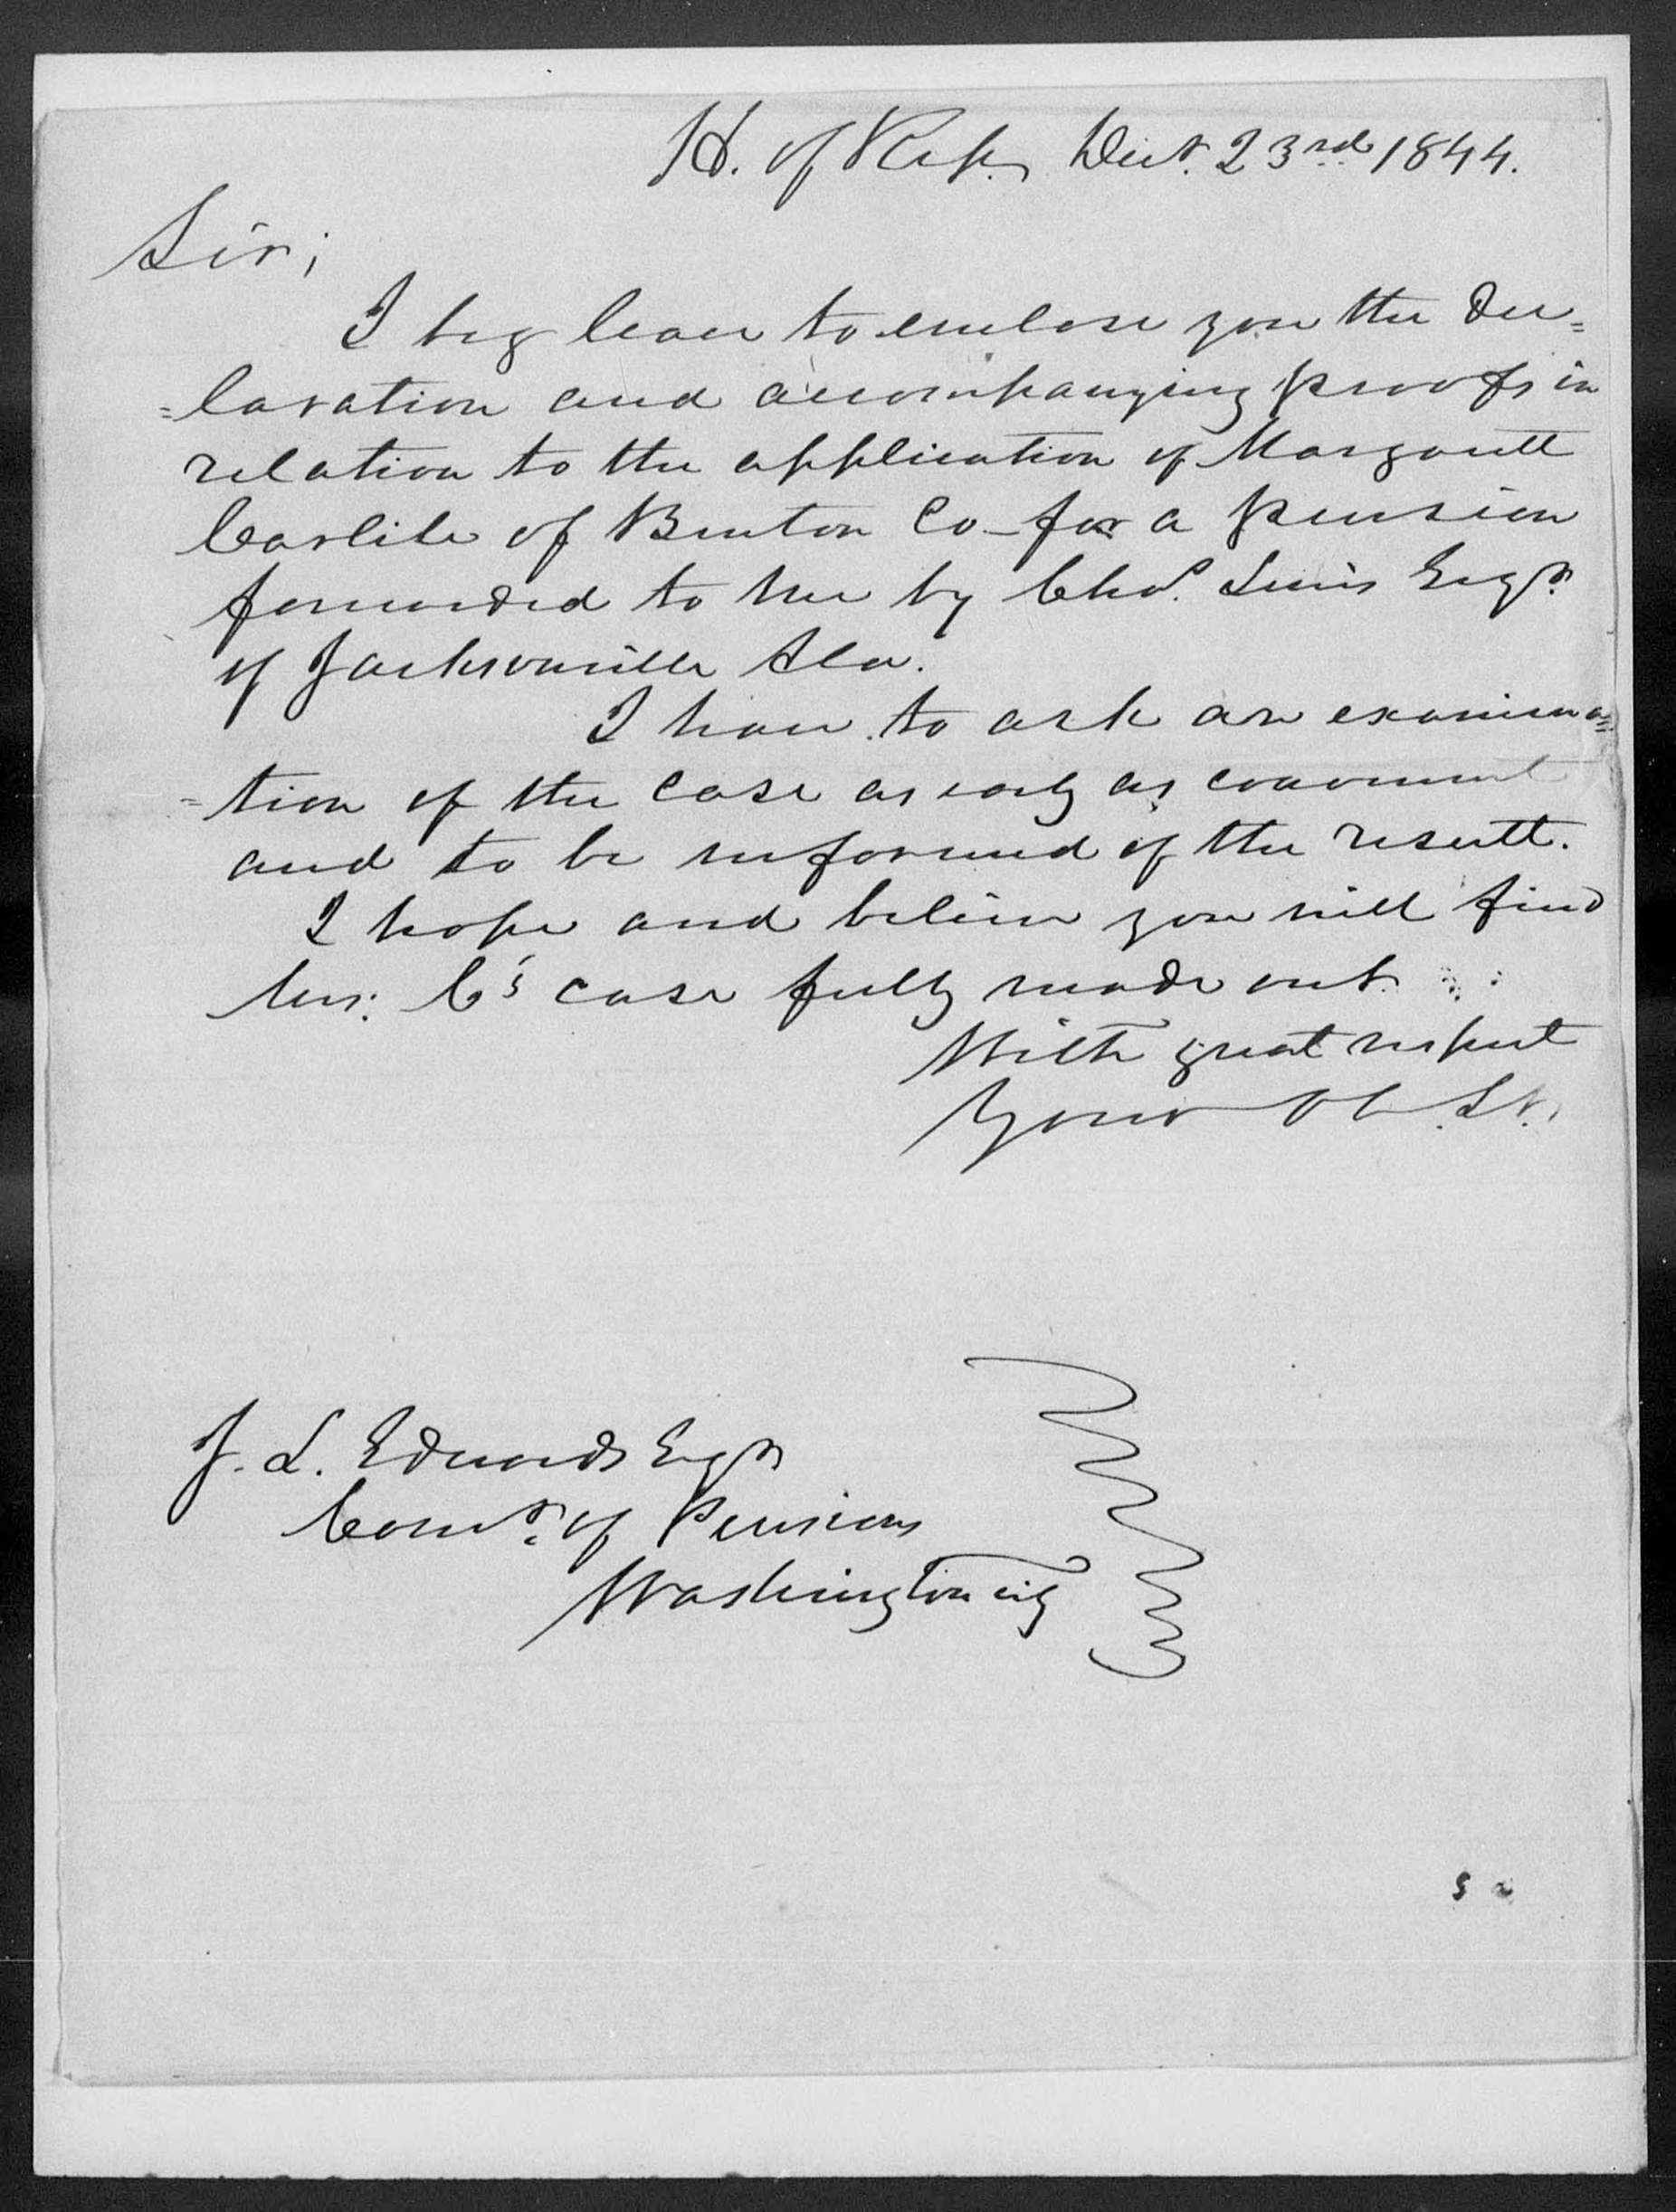H. of Rep. Decr. 23rd 1844.
Sir;
I beg leave to enclose you the declaration and accompanying proof in relation to the application of Margarett Carlisle of Benton Co. for a pension forwarded to me by Chas. Lewis Esqr. of Jacksonville Ala.
I have to ask an examination of the case as early as convenient and to be informed of the result.
I hope and believe you will find Mrs C's case fully made out.
With great respect
Your Ob. St.
J. L. Edwards Esqr
Court of Pensions
Washington city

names: Margarett Carlile, Chas Lewis, J L Edwards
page: 77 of 91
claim: widow's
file: W. 10576, Francis Carlisle, S.C.